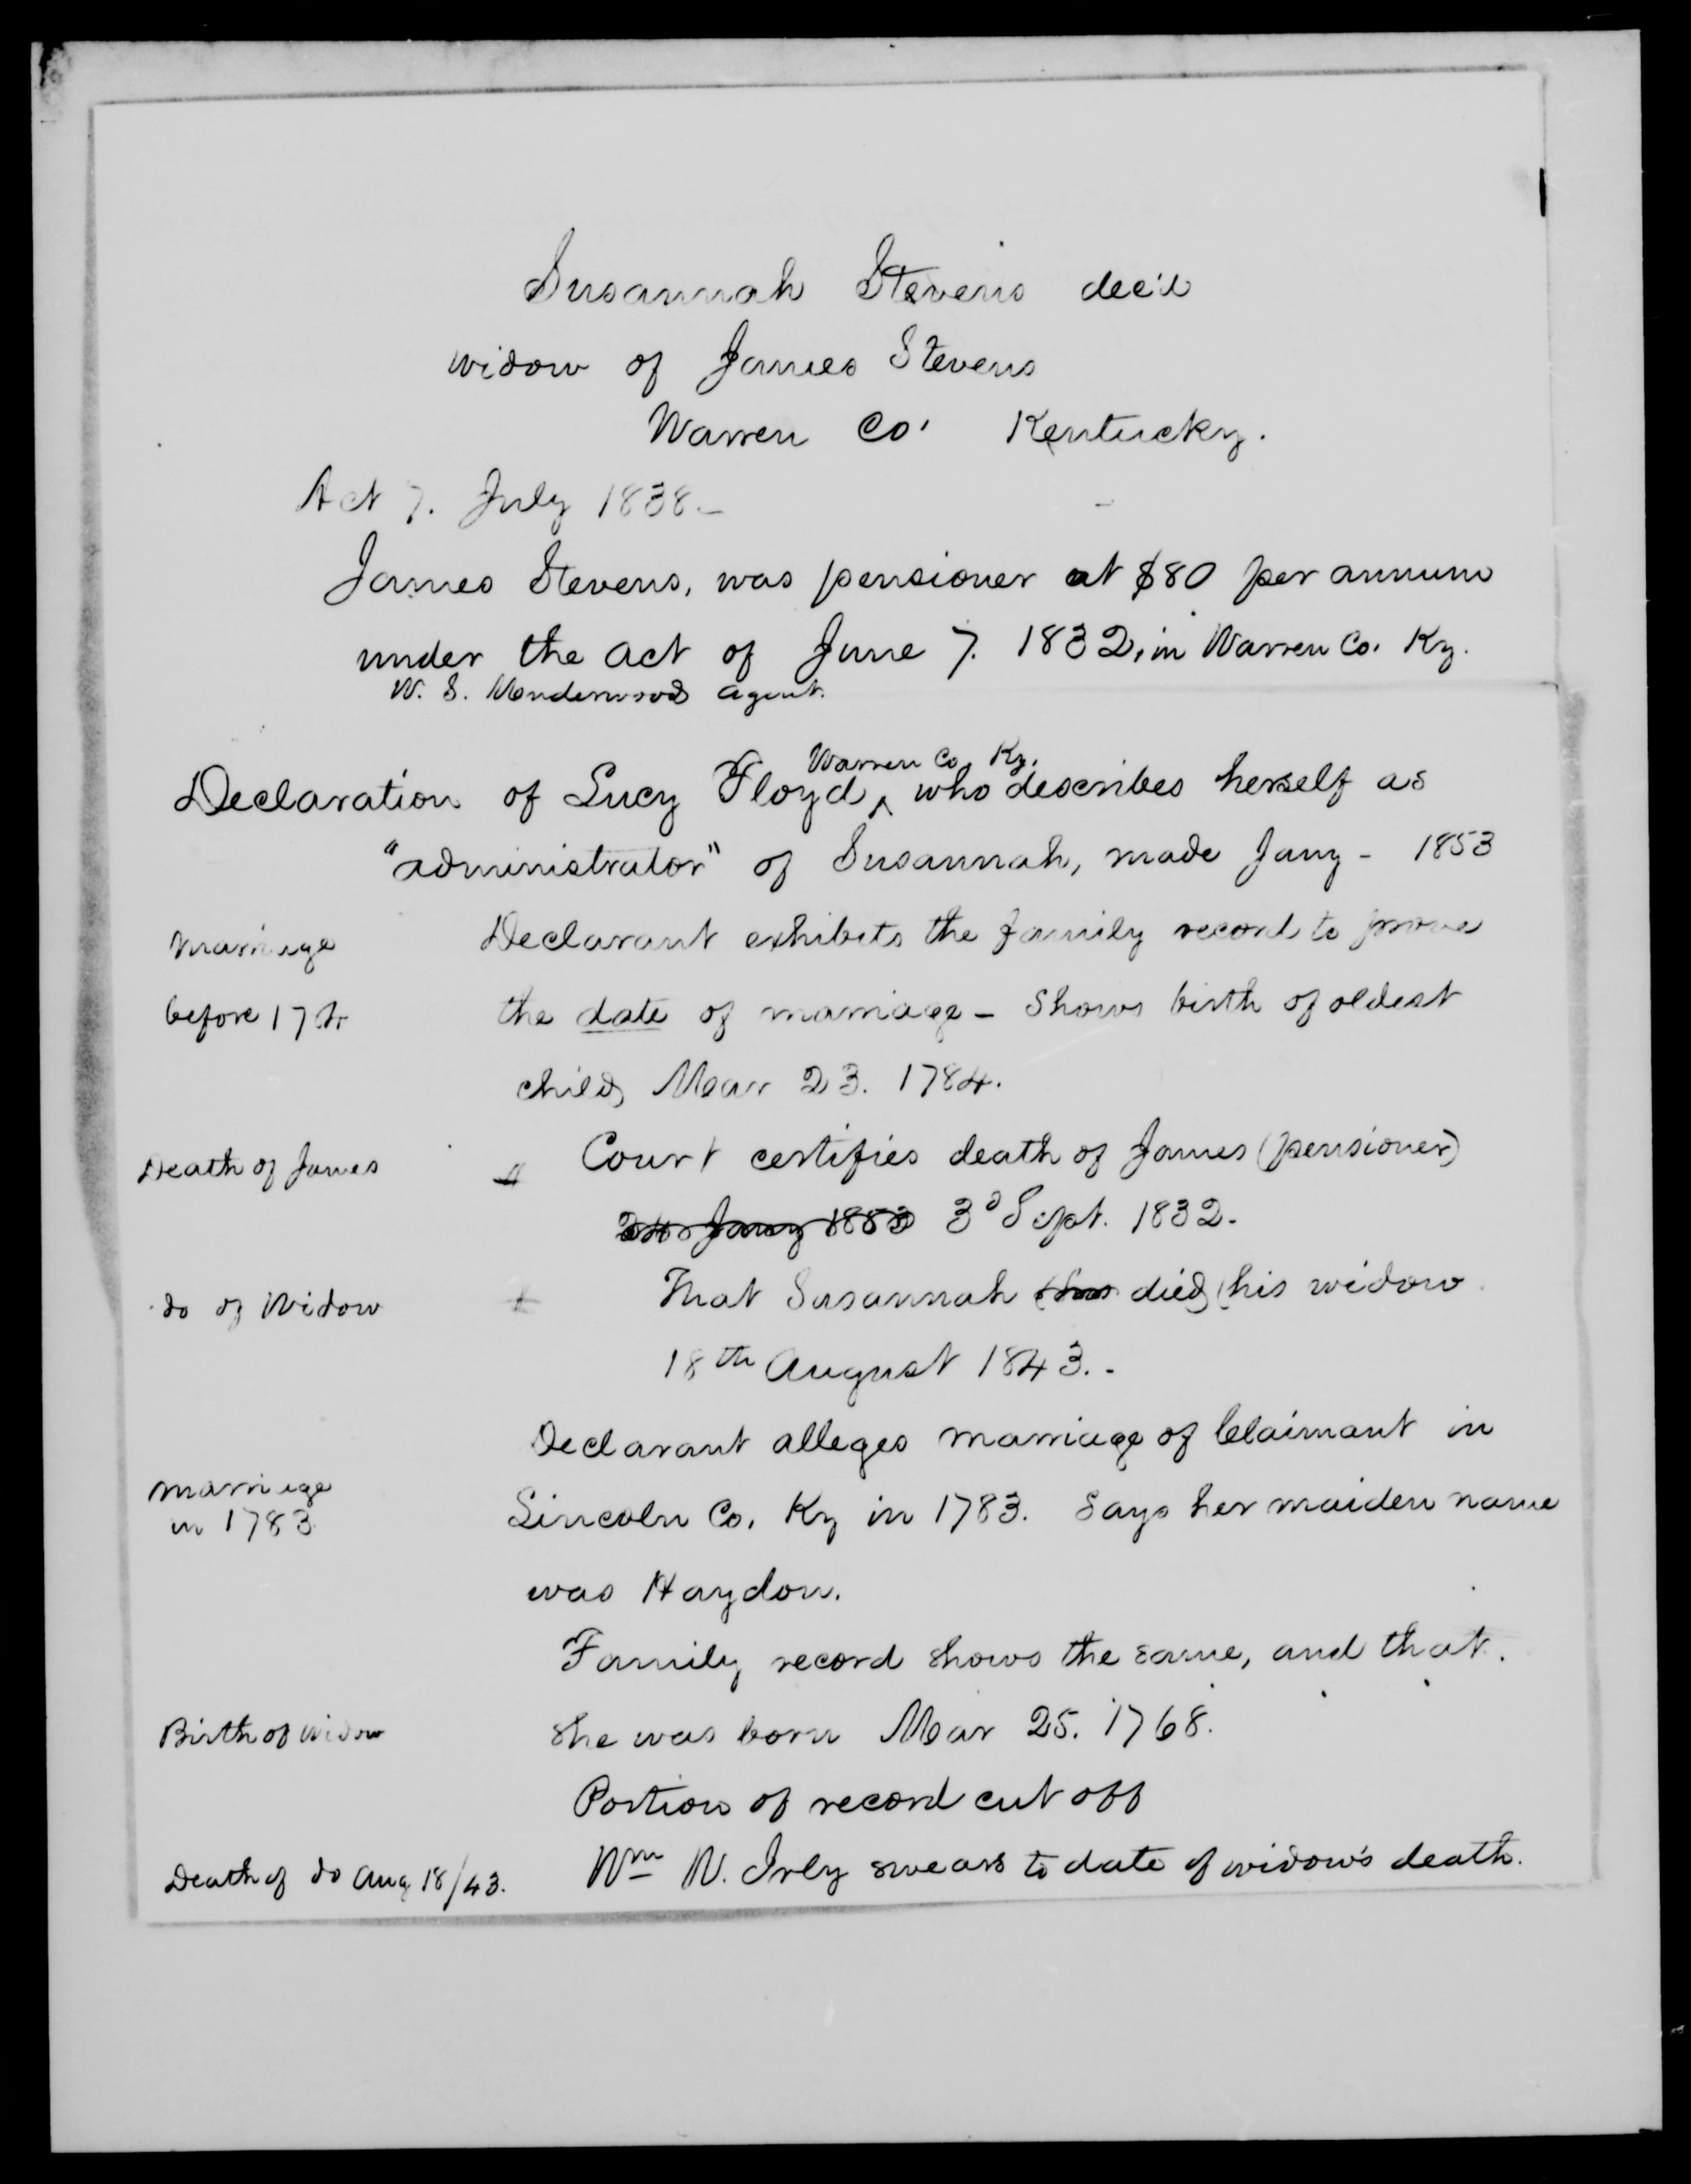Susannah Stevens dec'd
Widow of James Stevens
Warren Co. Kentucky
Act 7 July 1838 -
James Stevens, was pensioner at $80 per annum under the act of June 7, 1832, in Warren Co. Ky.
W.S. Underwood agent
Warren Co. Ky.
Marriage before [illegible]
Declaration of Lucy Floyd Warren Co. Ky. who describes herself as "administrator" of Susannah, made Jany 1853
Marriage before [illegible]
Declarant exhibits the family record to prove
the date of marriage-- shows birth of oldest
child Mar 23. 1784.
Death of James
Court certifies death of James (pensioner)
3d Sept 1832.
Do of Widow
That Susannah died his widow
18th August 1843.
Marriage in 1783
Declarant alleges marriage of Claimant in
Lincoln Co. Ky in 1783. Says her maiden name
was Haydon.
Birth of Widow
Family record shows the same, and that
she was born Mar 25, 1768.
Portion of record cut off
Death of do Aug 18/43. 
Wm W. Irly swears to date of widow's death.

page: 96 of 99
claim: widow's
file: W 8766, for James Stevens, Virginia